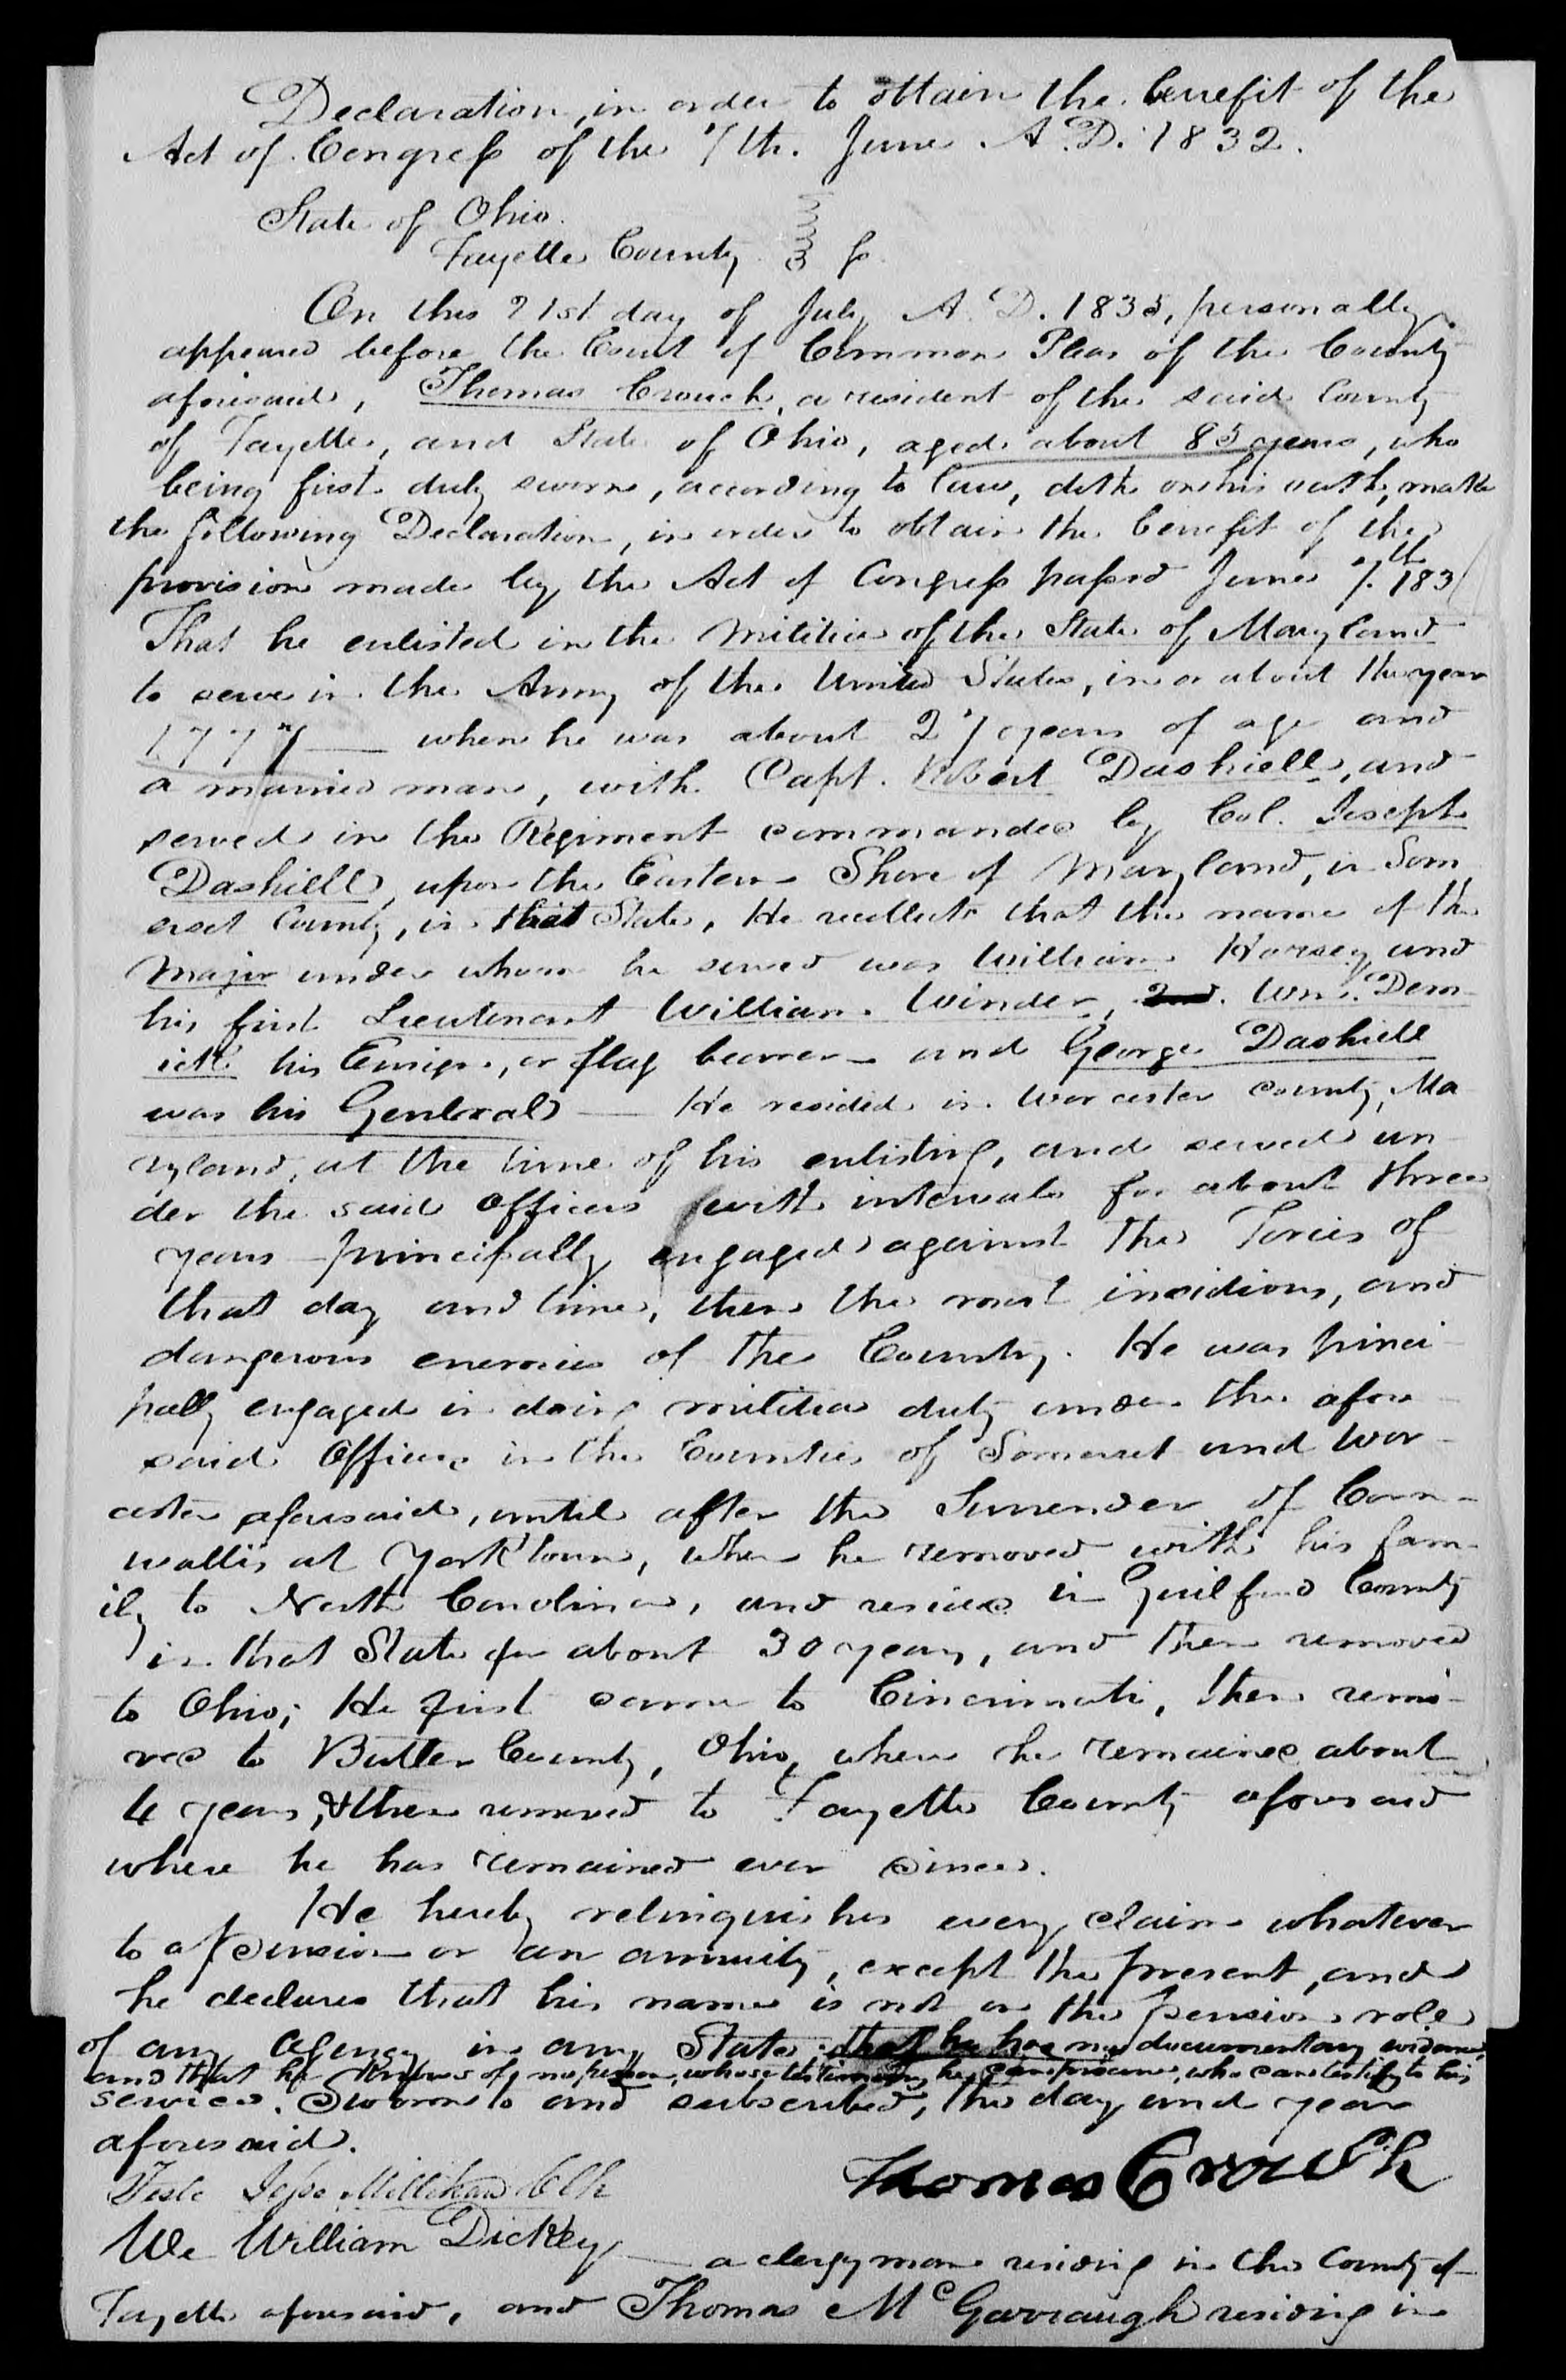Declaration, in order to obtain the benefit of the
Act of Congress of the 7th June A.D. 1832
State of Ohio
Fayette County ⎬Ss
On this 21st day of July A.D. 1835, personally
appeared before the Court of Common Pleas of the County
aforesaid, Thomas Crouch, a resident of the said County
of Fayette and State of Ohio, aged about 85 years, who
being first duly sworn, according to law, doth on his oath, make the following Declaration, in order to obtain the benefit of the provision made by the Act of Congress passed June 7 1832
That he enlisted in the militia of the State of Maryland
to serve in the Army of the United States, in or about the year
1777 -- when he was about 27 years of age and
a married man, with Capt. Robert Dashiell, and
served in the Regiment commanded by Col. Joseph
Dashiell upon the Eastern Shore of Maryland, in Somerset
County, in that State. He recollects that the name of the
Major under whom he served was William Horsey, and
his first Lieutenant William Winder, [crossed out: and] Wm
Demick his ensign, or flag bearer -- and George Dashiell
was his General. -- He resided in Worcester County, Maryland, 
at the time of his enlisting, and served under
the said officers with intervals for about three
yours principally engaged against the Tories of
that day and time, then the most insidious, and
dangerous enemies of the County. He was principally
engaged in doing militia duty under the aforesaid
Officers in the Counties of Somerset and Worcester
aforesaid, until after the Surrender of Cornwallis
at Yorktown, when he removed with his family
to North Carolina, and reside in Guilford County
in that State for about 30 years, and then removed
to Ohio; He first came to Cincinnati, then removed
to Butler County, Ohio, where he remained about
4 years, & then removed to Fayette County aforesaid
where he has remained ever since.
He hereby relinquishes every claim whatever
to a pension or an annuity, except the present, and
he declares that his name is not on the pension roll
of any Agency in any State, that he has no documentary evidence
and that he knows of no person whose testimony he can procure who can testify to his
services. Sworn to and subscribed, the day and year
aforesaid.
Thomas Crouch
Teste Jesse Millikan Clk
We William Dickey - a clergyman residing in the County of
Fayette aforesaid, and Thomas McGarraugh residing in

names: Jesse Millikan, Robert Dashiell, Thomas Crouch, Thomas Mc Garraugh, William Horsey, William Winder, Wm Demick, William Dickey, George Dashiell, Joseph Dashiell, Thomas Crouch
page: 7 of 8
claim: rejected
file: R. 2,533, Thomas Crouch, Md.